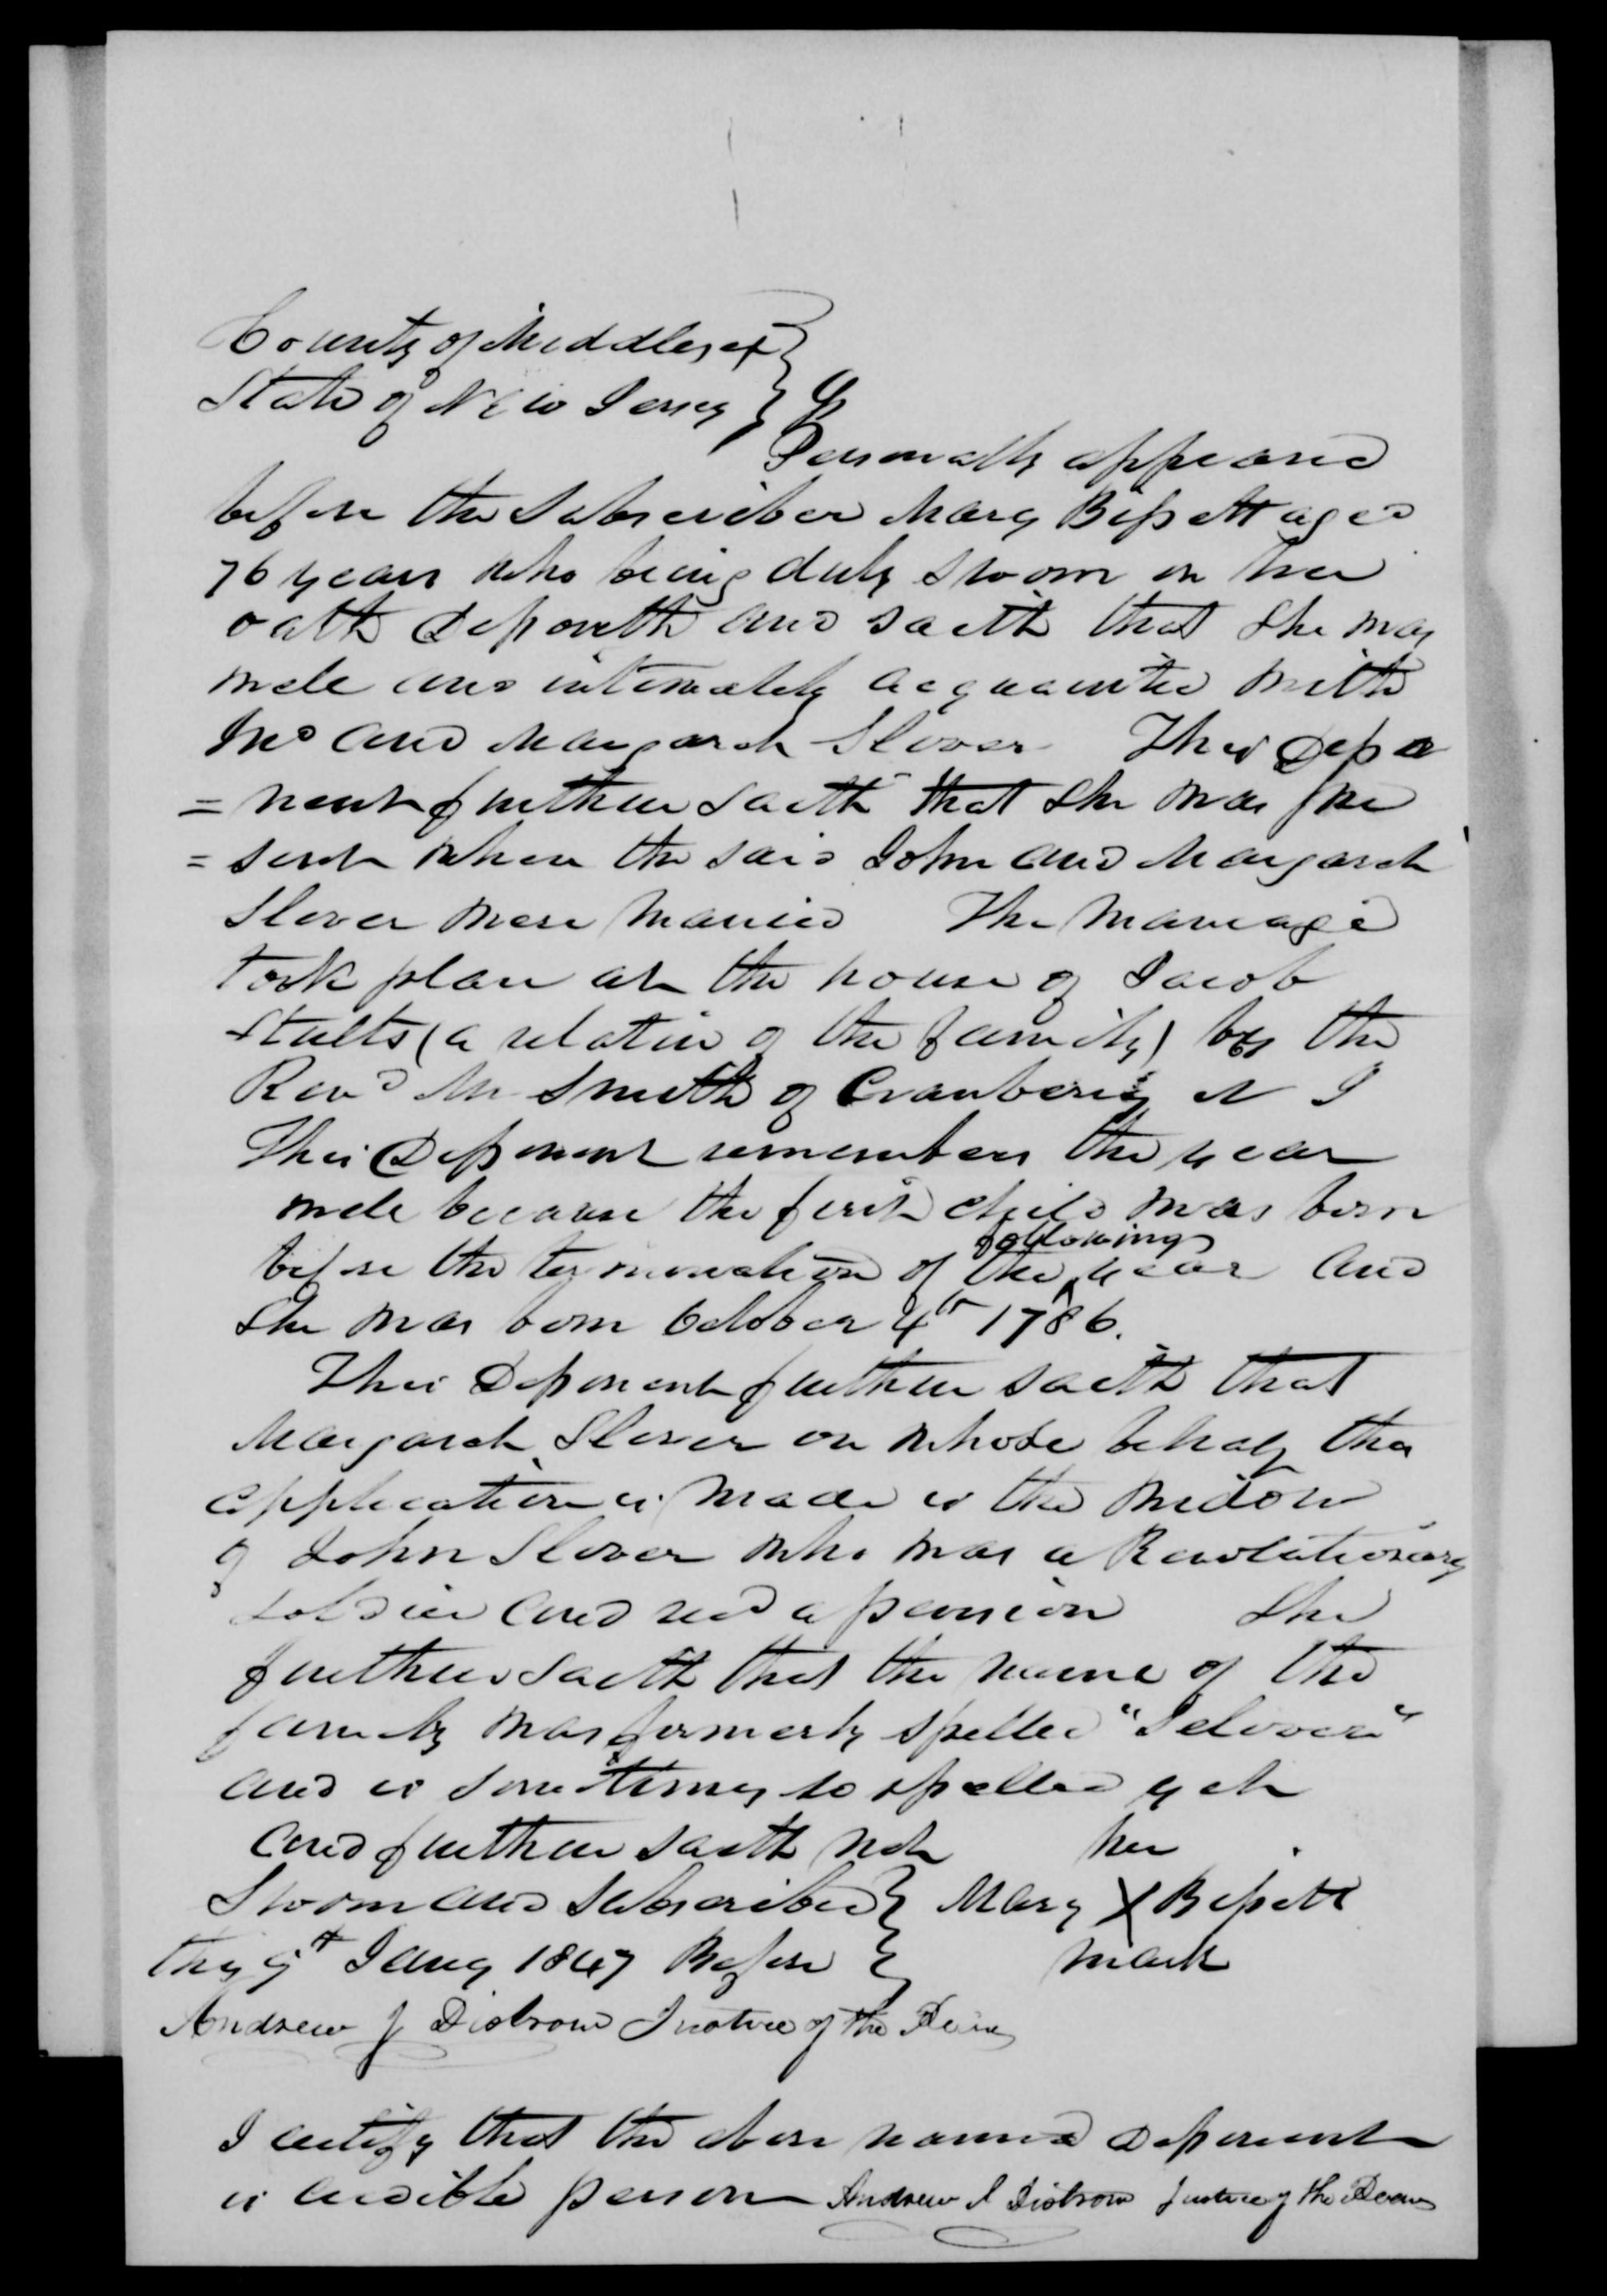County of Middlesex
State of New Jersey//

Personally appeared before the subscriber, Mary Bissett, aged 76 years, who being duly sworn on her oath deposeth and saith that she was well and intimately acquainted with Jno. and Margaret Slover. The deponent further saith that she was present when the said John and Margaret Slover were married. The marriage took place at the house of Jacob Stults (a relation of the family) by the Rev'd Mr. Smith of Cranbury, N.J. This Deponent remembers the year
well because the first child was born before the termination of the following year and she was born October 4th 1786.

This deponent further saith that Margaret Slover, on whose behalf the application made, is the widow of John Slover, who was a Revolutionary Soldier and rec(eived) a pension. She further saith that the name of the family man formerly spelled "Selover" and is sometimes so spelled yet and further saith not.
s/ Mary Bissett (X - her mark)

Sworn and subscribed this 9th Jan. 1847 before.
s/ Andrew J. Disbrow, Justice of the Peace

I certify that the above named deponent in credible person.
s/ Andrew J. Disbrow, Justice of the Peace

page: 13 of 46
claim: widow's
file: W. 6205, for John Slover, New Jersey